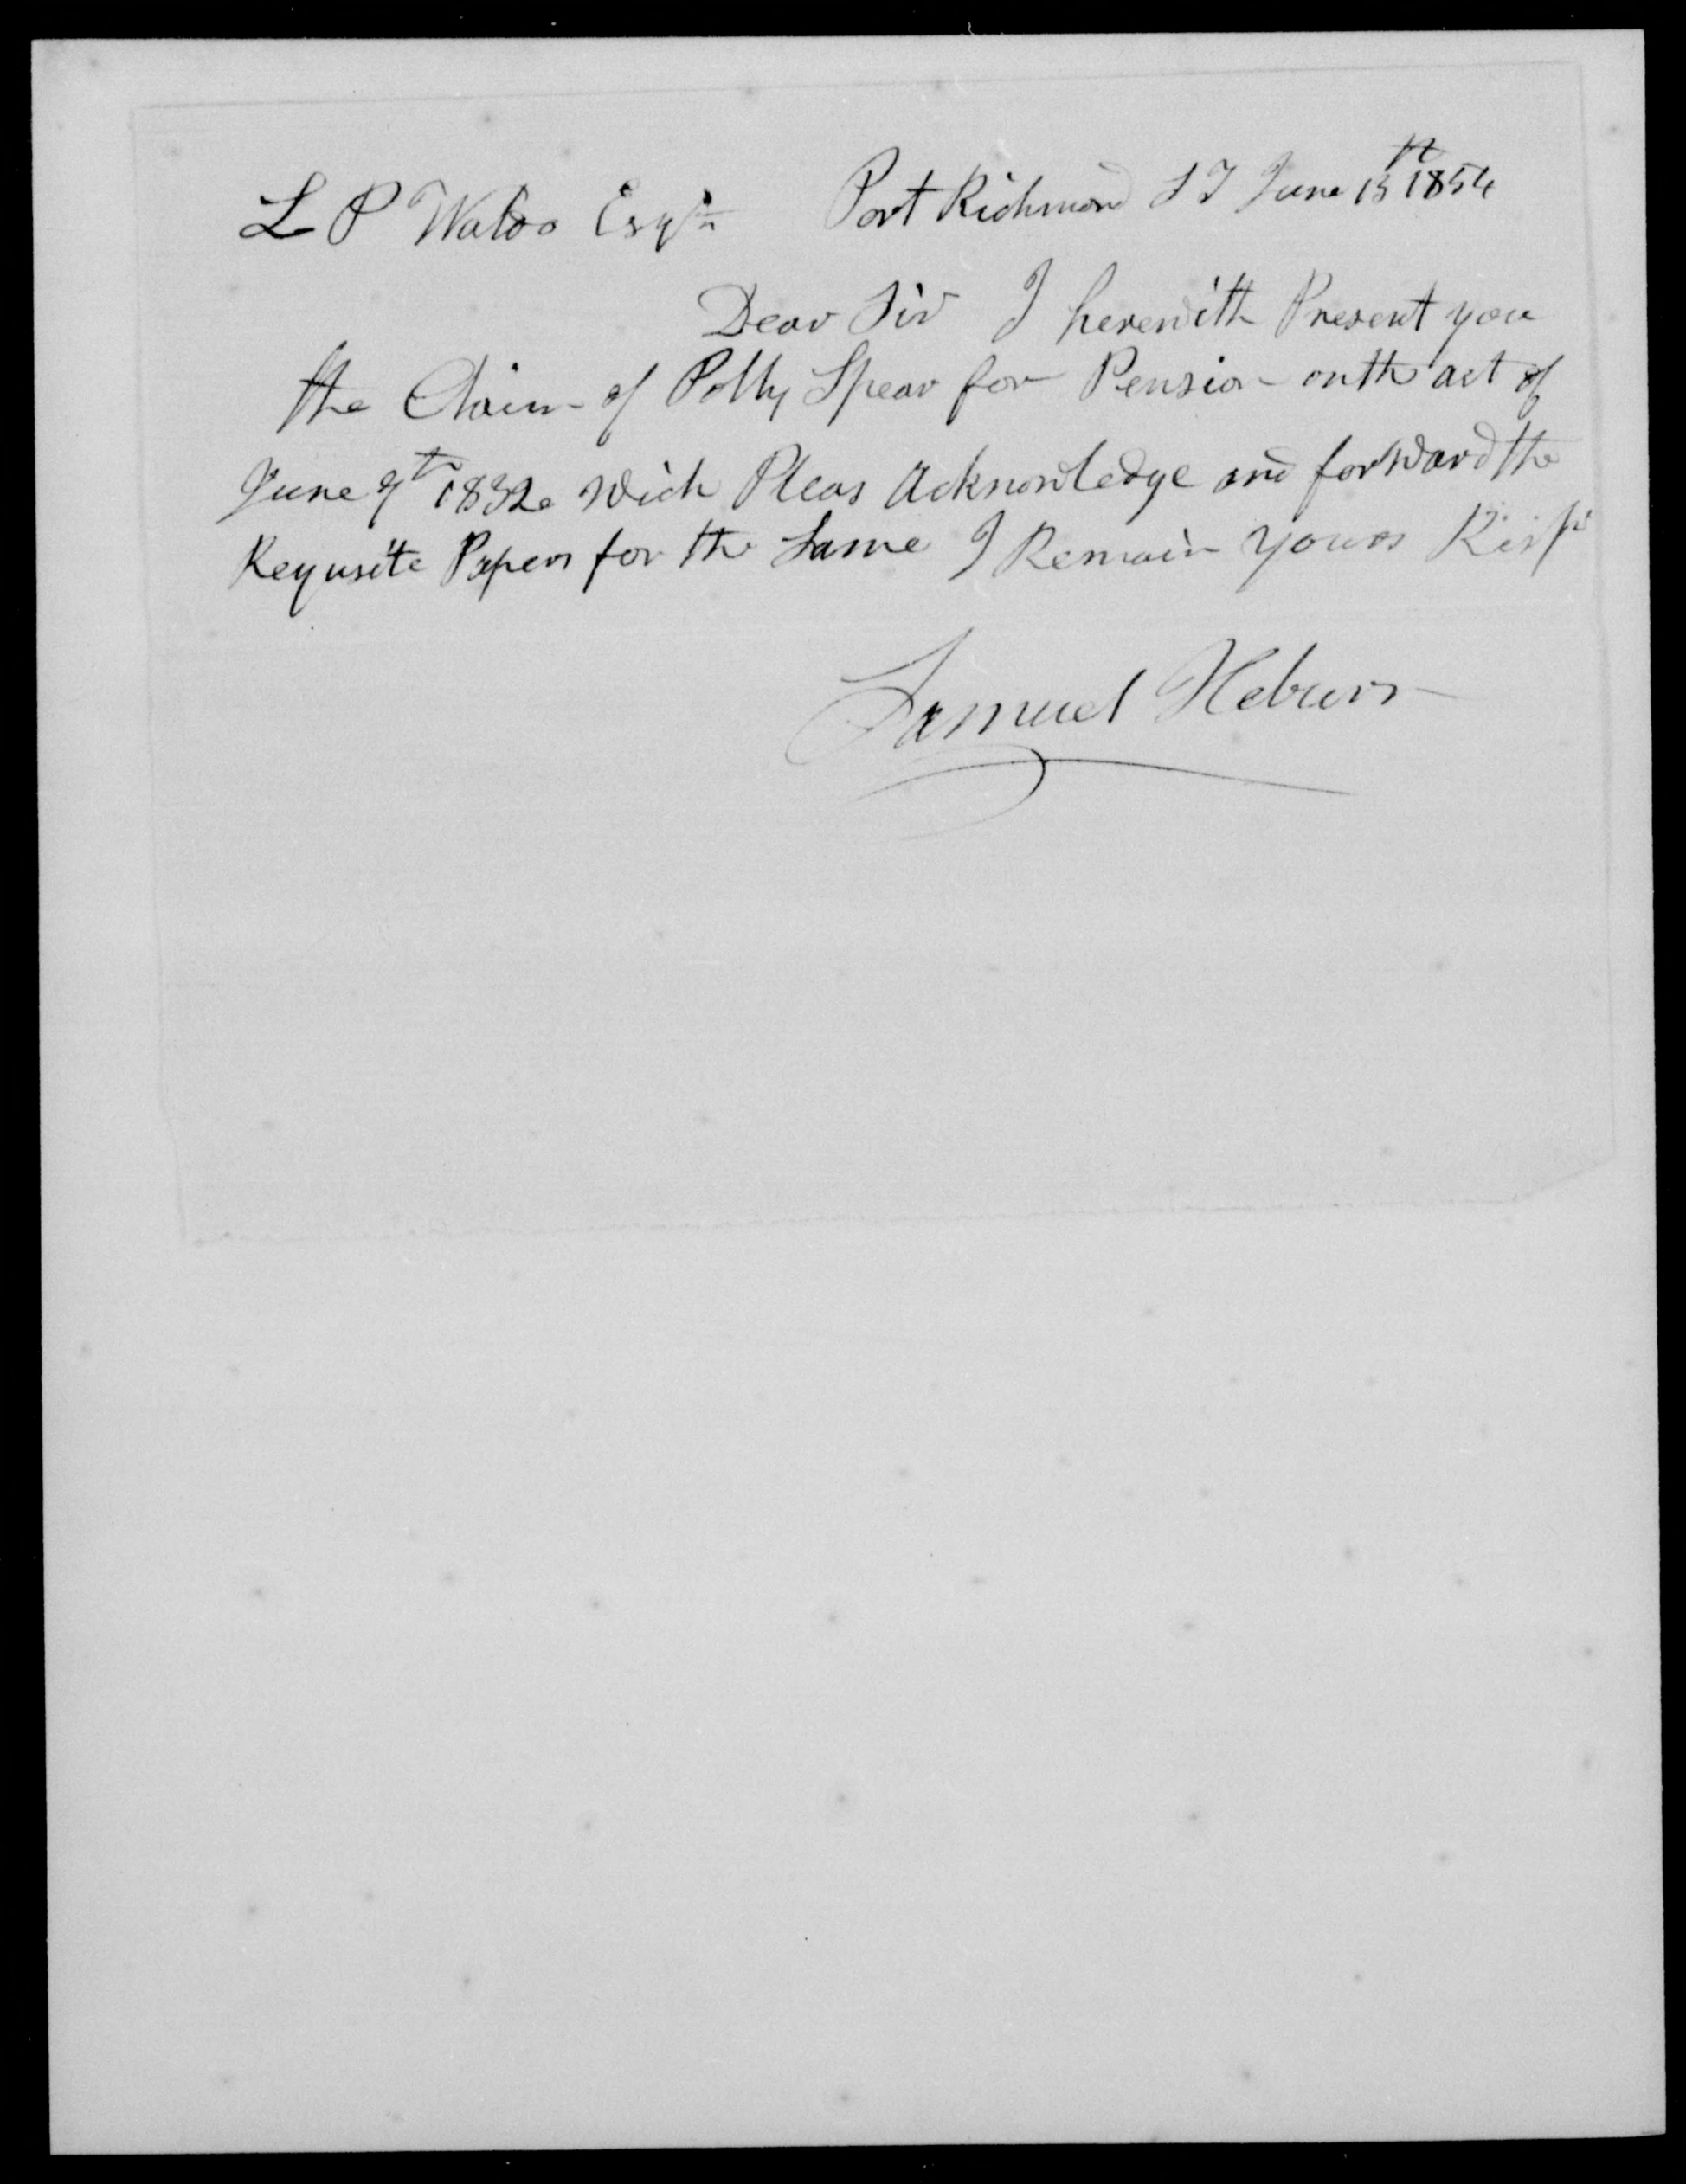L P Waldo Esqr
Port Richmond J T June 13th 1854
Dear Sir
I herewith present you
the claim of Polly Spear for Pension on the act of June 7th 1832 wich Pleas acknowledge and forward the
Requsite Paper for the same I remain Yours Resp
Samuel Heburn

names: Samuel Heburn; L P Waldo; Polly Spear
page: 36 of 65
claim: widow's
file: W. 7197, for Jonathan Spear, Vermont